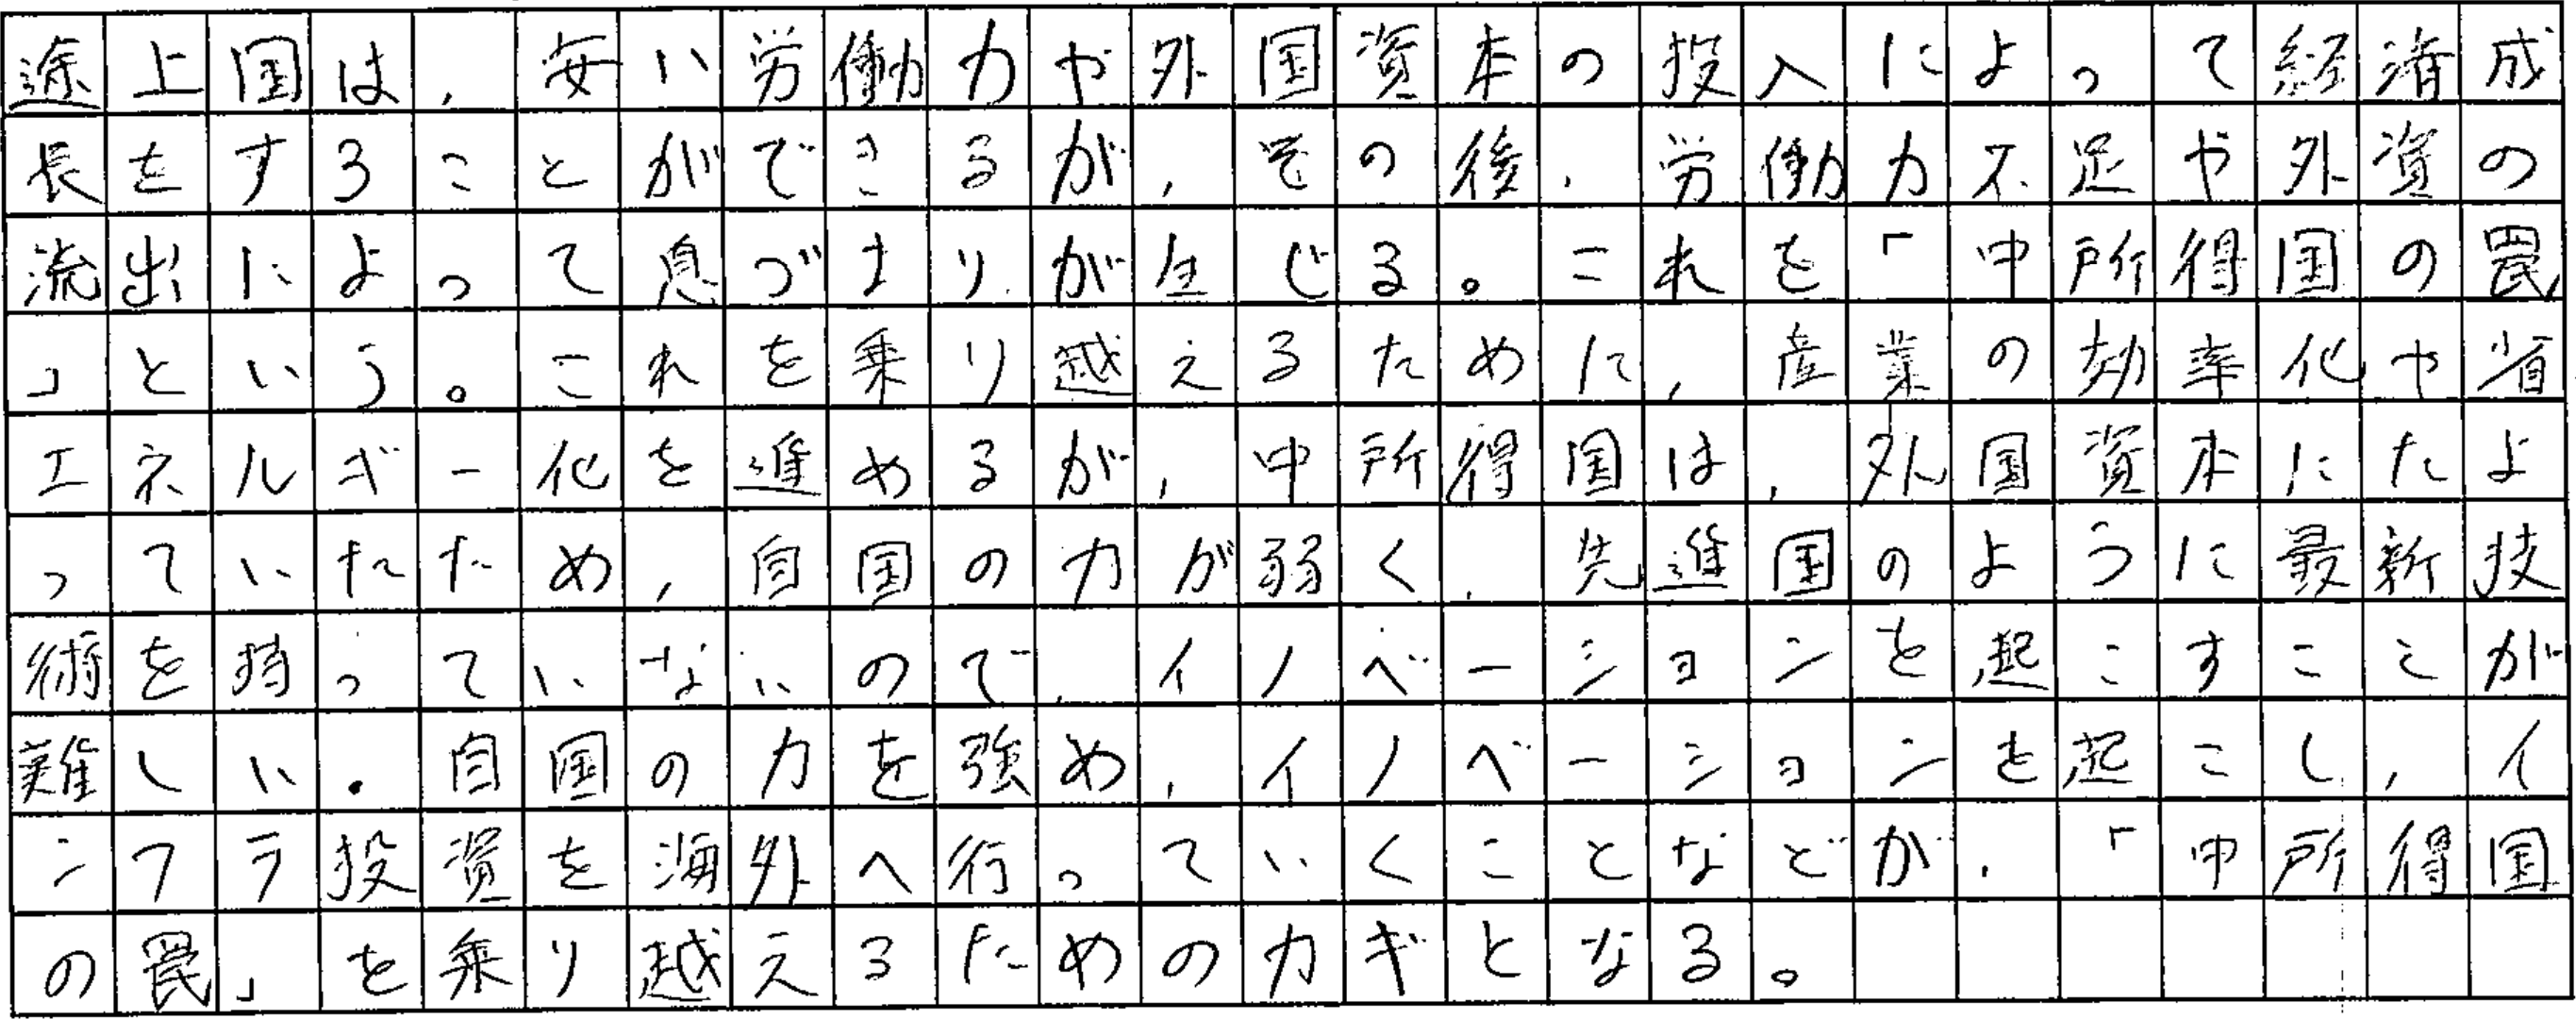途上国は，安い労働力や外国資本の投入によって経済成長をすることができるが，その後，労働力不足や外資の流出によって息づまりが生じる。これを「中所得国の罠」という。これを乗り越えるために，産業の効率化や省エネルギー化を進めるが，中所得国は，外国資本にたよっていたため，自国の力が弱く，先進国のように最新技術を持っていないので，イノベーションを起こすことが難しい。自国の力を強め，イノベーションを起こし，インフラ投資を海外へ行っていくことなどが，「中所得国の罠」を乗り越えるためのカギとなる。
